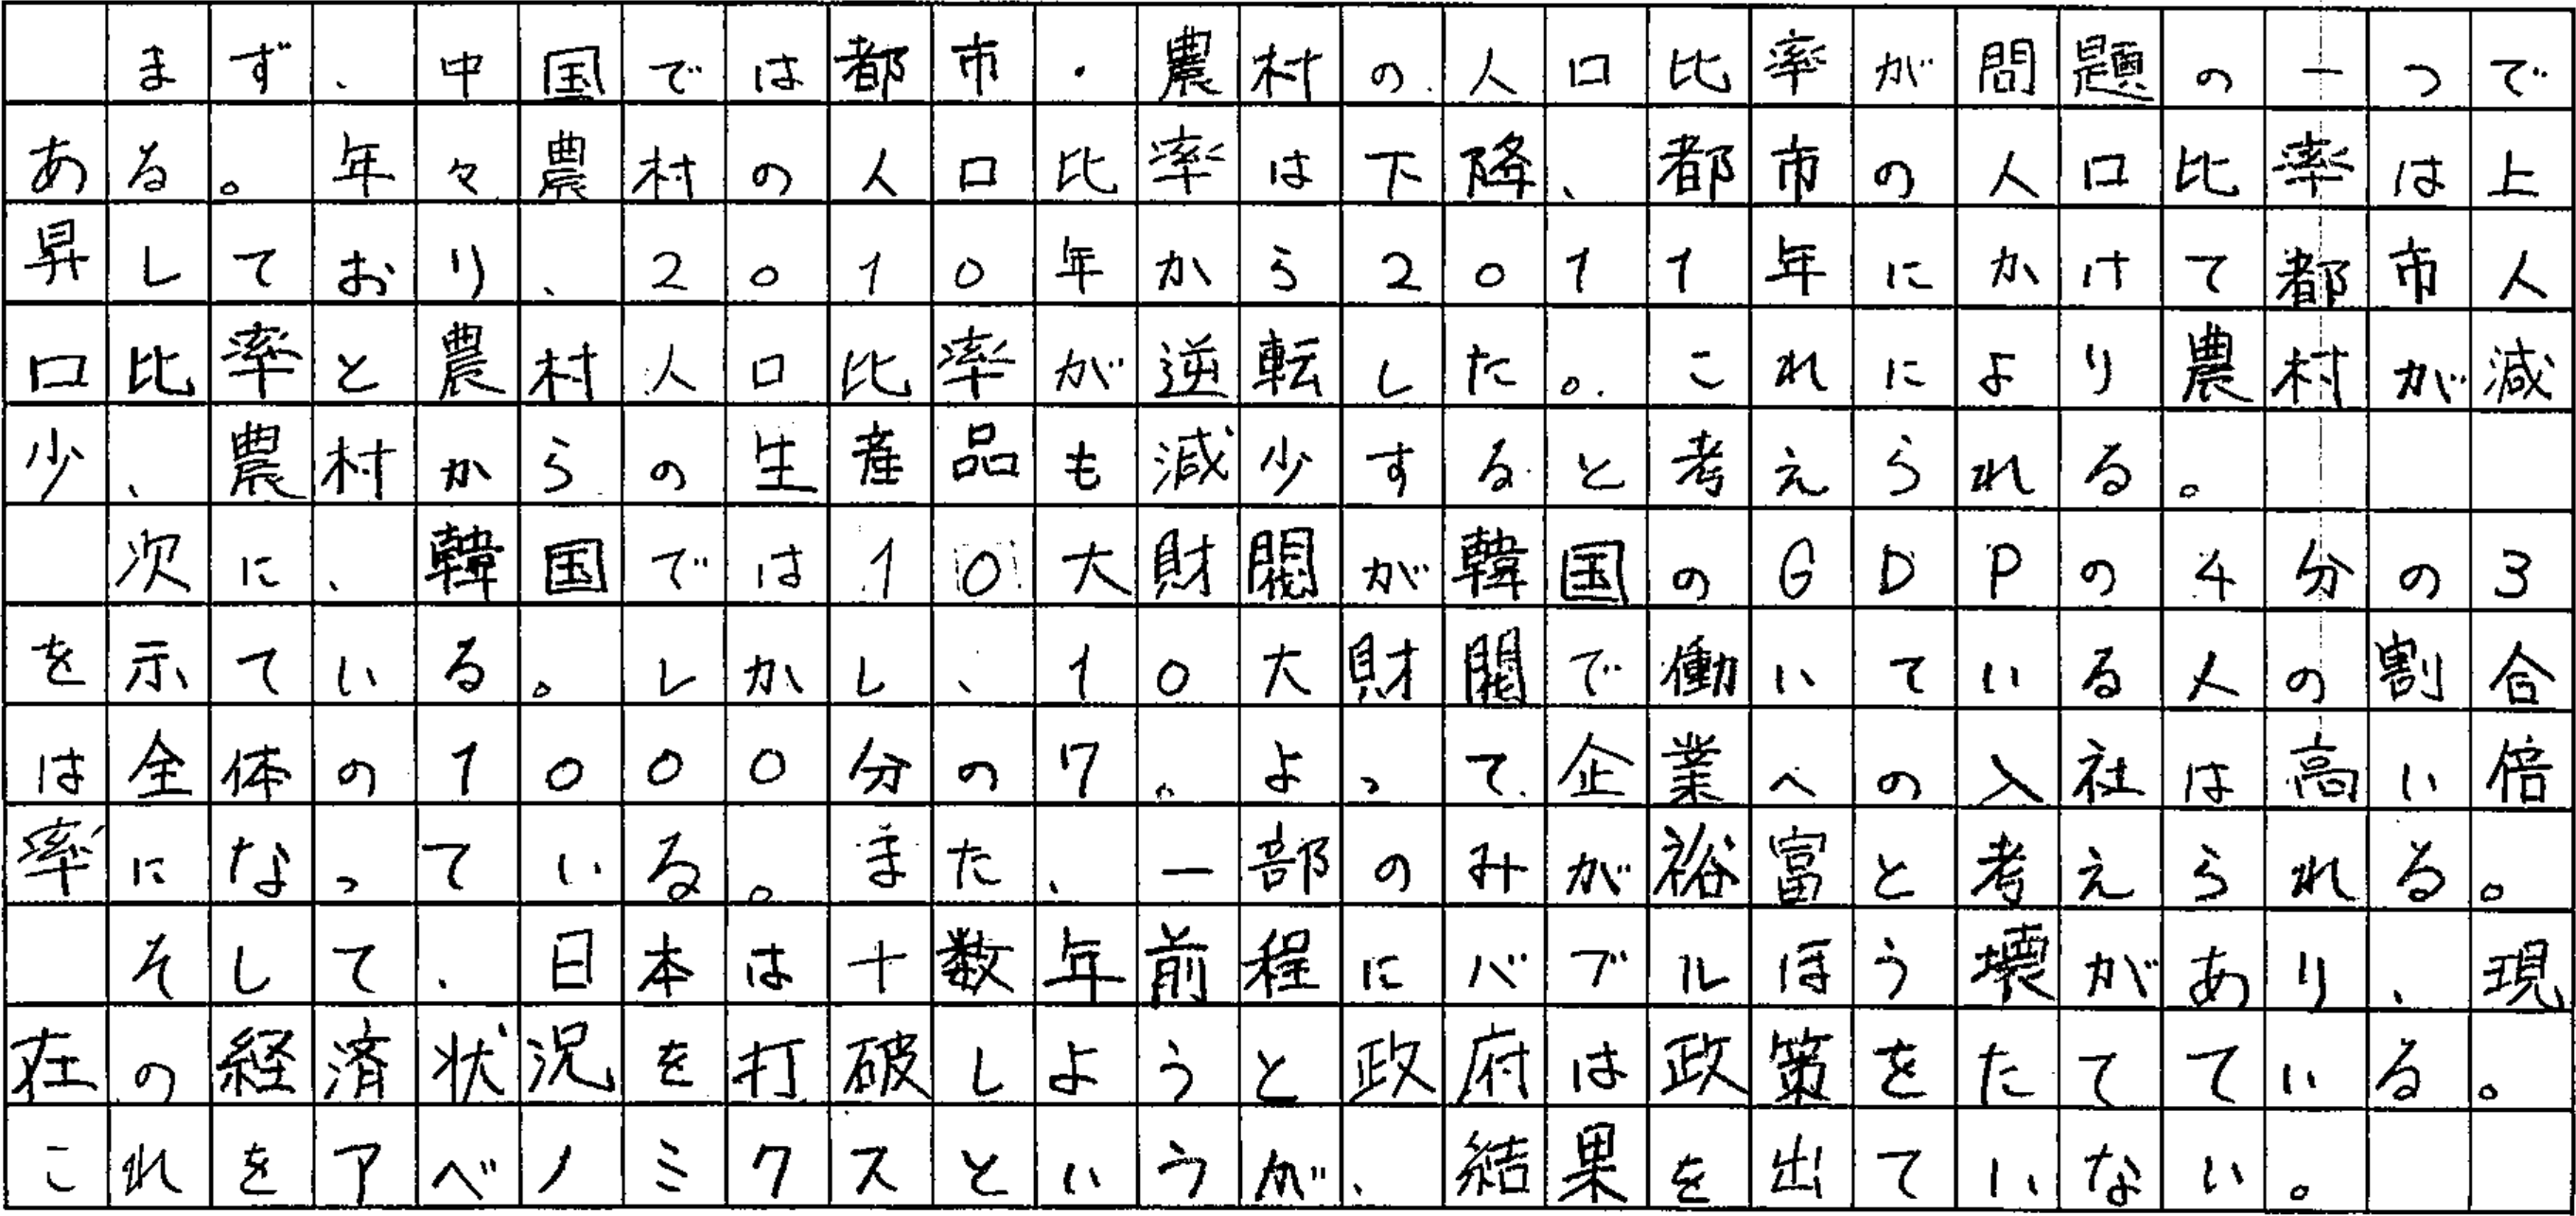　まず、中国では都市・農村の人口比率が問題の一つである。年々農村の人口比率は下降、都市の人口比率は上昇しており、２０１０年から２０１１年にかけて都市人口比率と農村人口比率が逆転した。これにより農村が減少、農村からの生産品も減少すると考えられる。
　次に、韓国では１０大財閥が韓国のＧＤＰの４分の３を示ている。しかし、１０大財閥で働いている人の割合は全体の１０００分の７。よって企業への入社は高い倍率になっている。また、一部のみが裕富と考えられる。
　そして、日本は十数年前程にバブルほう壊があり、現在の経済状況を打破しようと政府は政策をたてている。これをアベノミクスというが、結果を出ていない。
